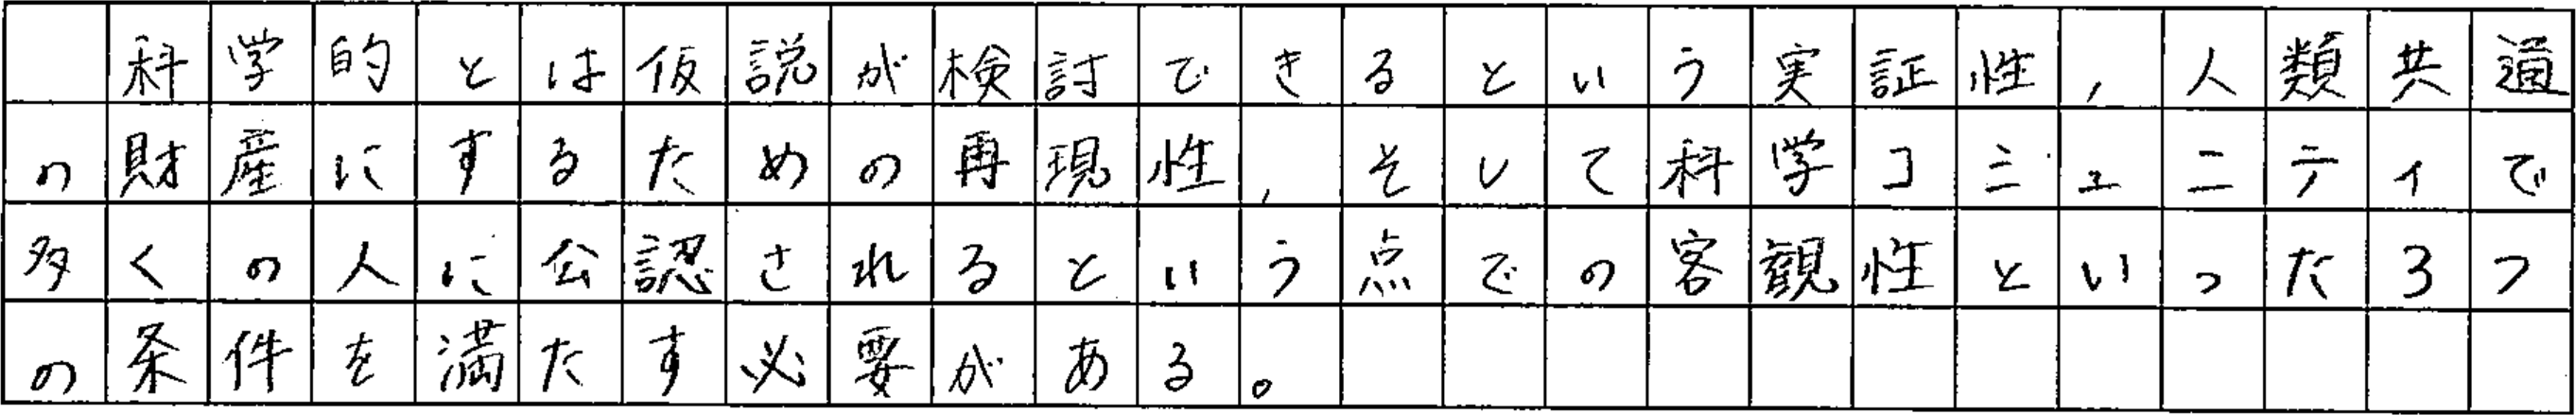　科学的とは仮説が検討できるという実証性、人類共通の財産にするための再現性、そして科学コミュニティで多くの人に公認されるという点での客観性といった３つの条件を満たす必要がある。
